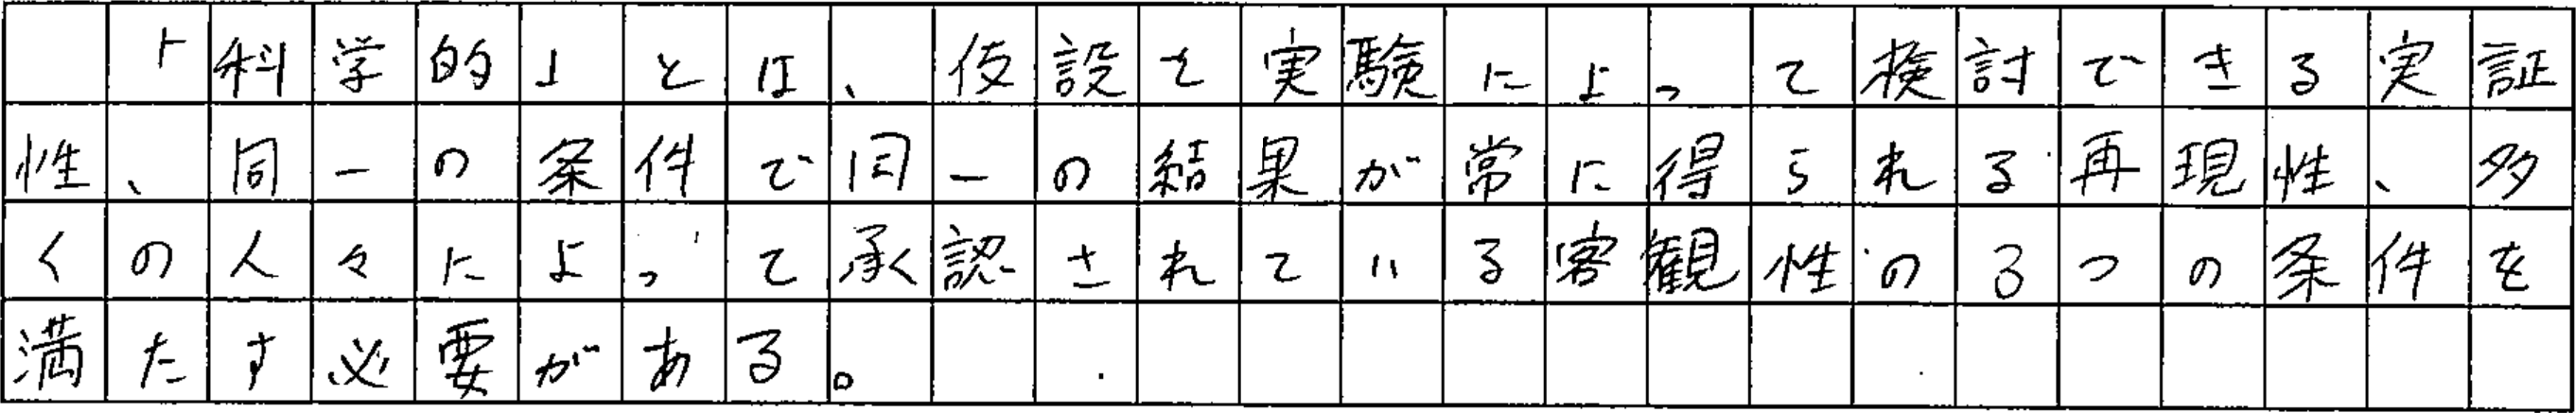　「科学的」とは、仮設を実験によって検討できる実証性、同一の条件で同一の結果が常に得られる再現性、多くの人々によって承認されている客観性の３つの条件を満たす必要がある。
